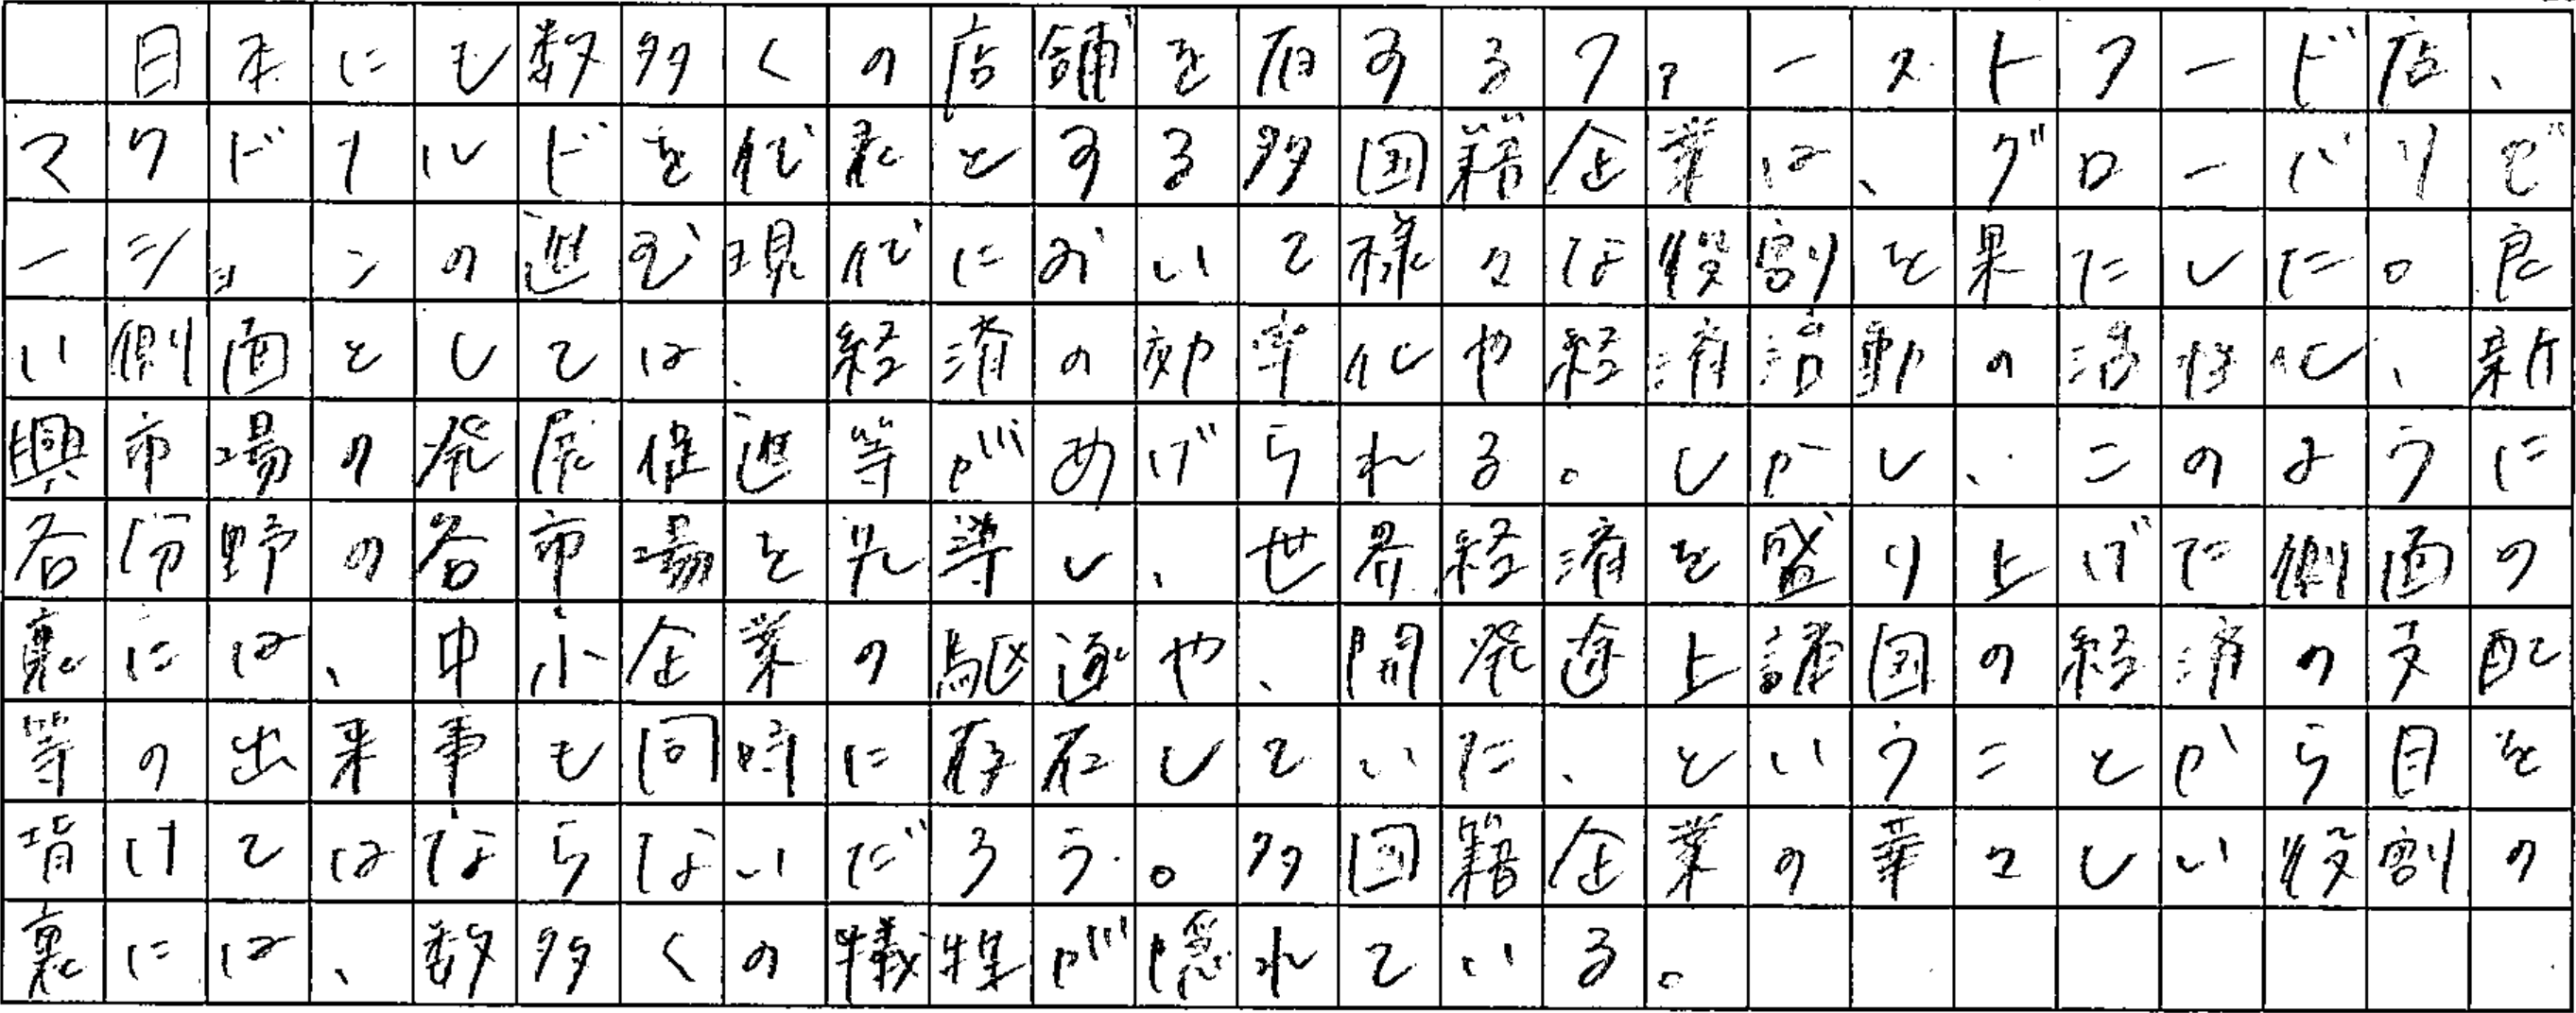　日本にも多くの店舗を有するファーストフード店、マクドナルドを代表とする多国籍企業は、グローバリゼーションの進む現代において様々な役割を果たした。良い側面としては、経済の効率化や経済活動の活性化、新興市場の発展促進等があげられる。しかし、このように各分野の各市場を先導し、世界経済を盛り上げた側面の裏には、中小企業の駆逐や、開発途上諸国の経済の支配等の出来事も同時に存在していた、ということから目を背けてはならないだろう。多国籍企業の華々しい役割の裏には、数多くの犠牲が隠れている。
